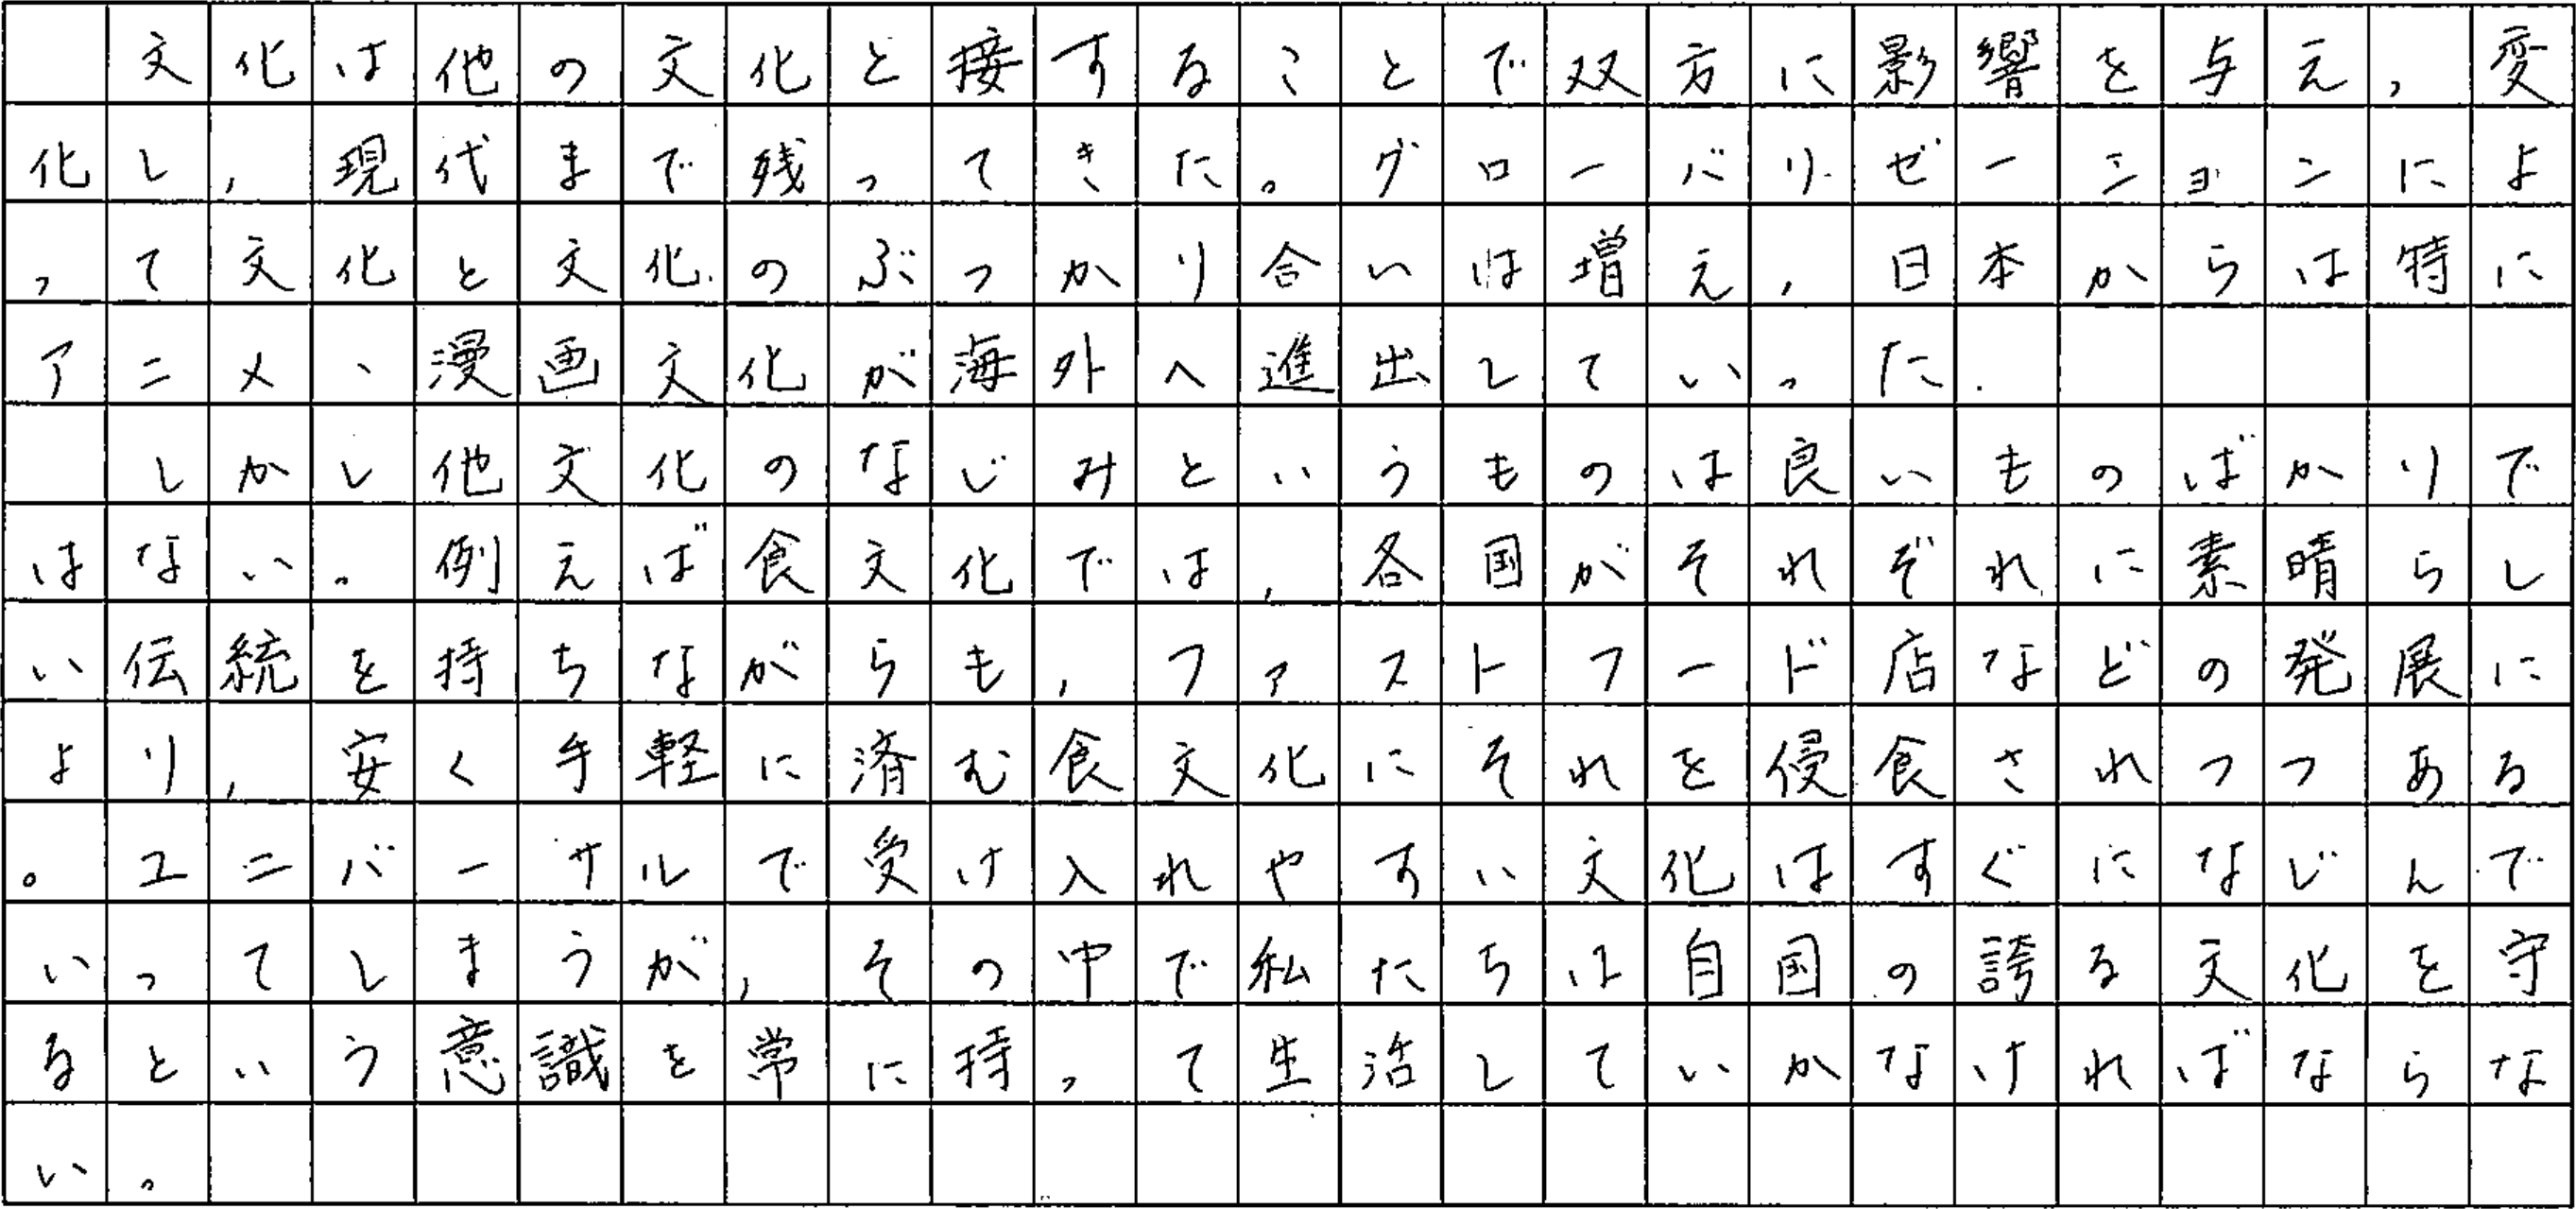  文化は他の文化と接することで双方に影響を与え、変化し、現代まで残ってきた。グローバリゼーションによって文化と文化のぶつかり合いは増え、日本からは特にアニメ・漫画文化が海外へ進出していった。
　しかし他文化のなじみというものは良いものばかりではない。例えば食文化では、各国がそれぞれに素晴らしい伝統を持ちながらも、ファストフード店などの発展により、安く手軽に済む食文化にそれを侵食されつつある。ユニバーサルで受け入れやすい文化はすぐになじんでいってしまうが、その中で私たちは自国の誇る文化を守るという意識を常に持って生活していかなければならない。
